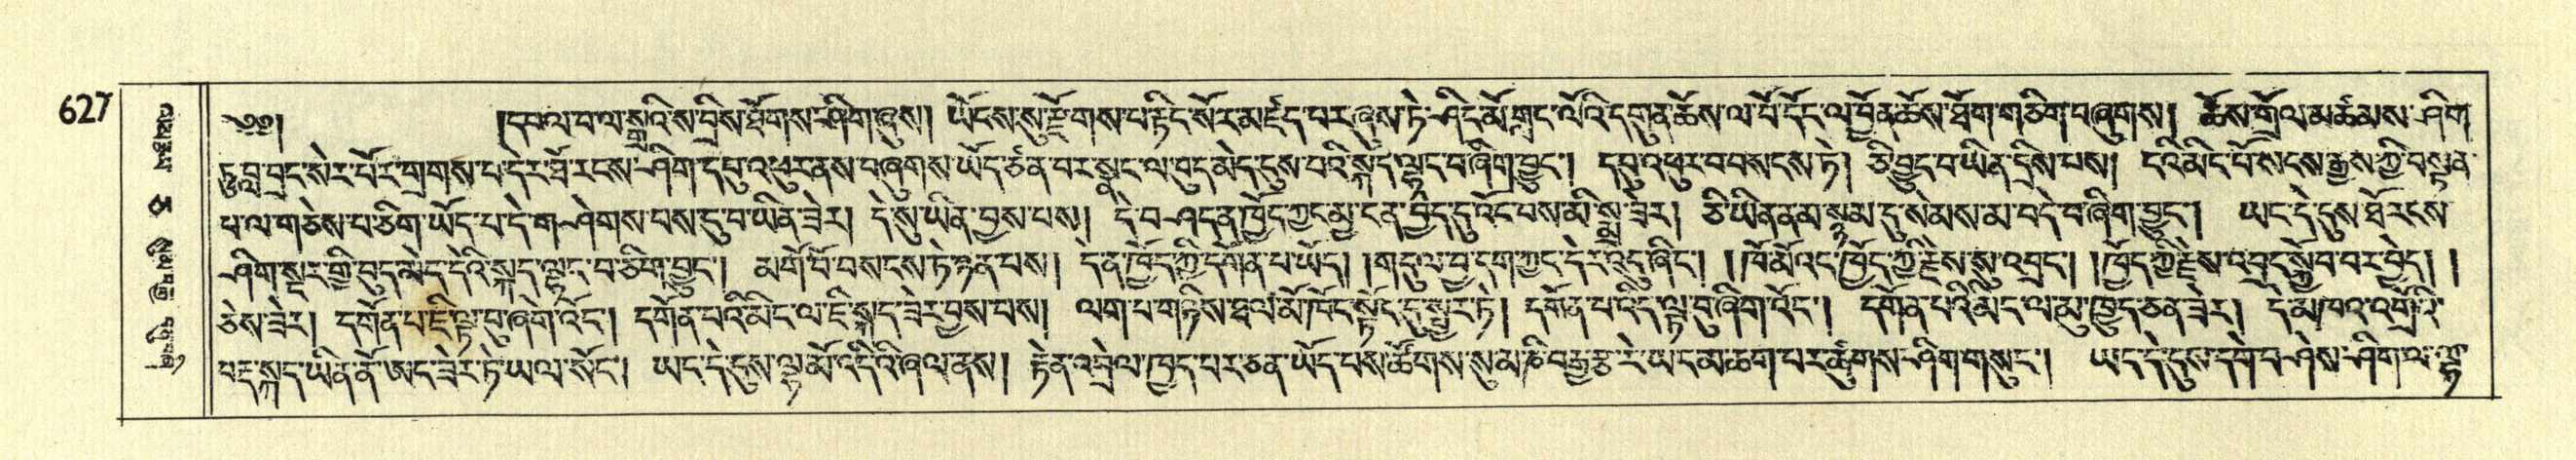༄༅། །དཔལ་བ་ལ་སྒྲའི་ས་བྲིས་ཐོགས་ཤིག་ཞུས། ཡོངས་སུ་རྫོགས་པ་རྟིང་སོར་མཛད་པར་ཞུས་ཏེ་ཤིང་མོ་གླང་ལོའི་དགུན་ཆོས་ལ་བོ་དོང་ལ་བྱོན་ཆོས་ཐོག་གཅིག་བཞུགས། ཆོས་གྲོལ་མཚམས་ཤིག་
ཏུ་བླ་བྲང་སེར་པོར་གྲགས་པ་དེར་ཐོ་རངས་ཤིག་དཔུ་འཕུར་ནས་བཞུགས་ཡོད་ཙ་ན་བར་སྣང་ལ་བུད་མེད་དུས་པའི་སྐད་ལྷང་བ་ཞིག་བྱུང་། དབུ་འཕུར་བ་བསངས་ཏེ། ཅི་བྱུང་བ་ཡིན་དྲིས་པས། ངའི་མིང་པོ་སངས་རྒྱས་ཀྱི་བསྟན་
པ་ལ་གཅེས་པ་ཅིག་ཡོད་པ་དེ་གཤེགས་པས་དུ་བ་ཡིན་ཟེར། དེ་སུ་ཡིན་བྱས་པས། དེ་བཤད་ན་ཁྱོད་ཀྱང་མྱ་ངན་བྱེད་དུ་འོང་བས་མི་སྨྲ་ཟེར། ཅི་ཡིན་ནམ་སྙམ་དུ་སེམས་མ་བདེ་བ་ཞིག་བྱུང་། ཡང་དེ་དུས་ཐོ་རངས་
ཤིག་སྔར་གྱི་བུད་མེད་དེའི་སྐད་ལྷང་བ་ཅིག་བྱུང་། མགོ་བོ་བསངས་ཏེ་ཉན་པས། དེ་ན་ཁྱོད་ཀྱི་དགོན་པ་ཡོད། །གདུལ་བྱ་དག་ཀྱང་དེར་འདུ་ཞིང་། །ཁོ་མོའང་ཁྱོད་ཀྱི་རྗེས་སུ་འབྲང་། །ཁྱོད་ཀྱི་རྗེས་འབྲང་སྐྱོབ་བར་བྱེད། །
ཅེས་ཟེར། དགོན་པ་ཇི་ལྟ་བུ་ཞིག་འོང་། དགོན་པའི་མིང་ལ་ཇི་སྐད་ཟེར་བྱས་པས། ལག་པ་གཉིས་ཐལ་མོ་ཁོང་སྟོང་དུ་སྤྱར་ཏེ། དགོན་པ་འདི་ལྟ་བུ་ཞིག་འོང་། དགོན་པའི་མིང་ལ་མུ་ཁྱུད་ཅན་ཟེར། དེ་མཁའ་འགྲོའི་
བརྡ་སྐད་ཡིན་ནོ་ཨང་ཟེར་ཏེ་ཡལ་སོང་། ཡང་དེ་དུས་ལྷ་མོ་འདིའི་ཞལ་ནས། རྟེན་འབྲེལ་ཁྱད་པར་ཅན་ཡོད་པས་ཚོགས་སུ་མ་ཎི་བརྒྱ་རྩ་རེ་ཡང་མ་ཆག་པར་ཚུགས་ཤིག་གསུང་། ཡང་དེ་དུས་དགེ་བཤེས་ཤིག་ལ་ལྷ་